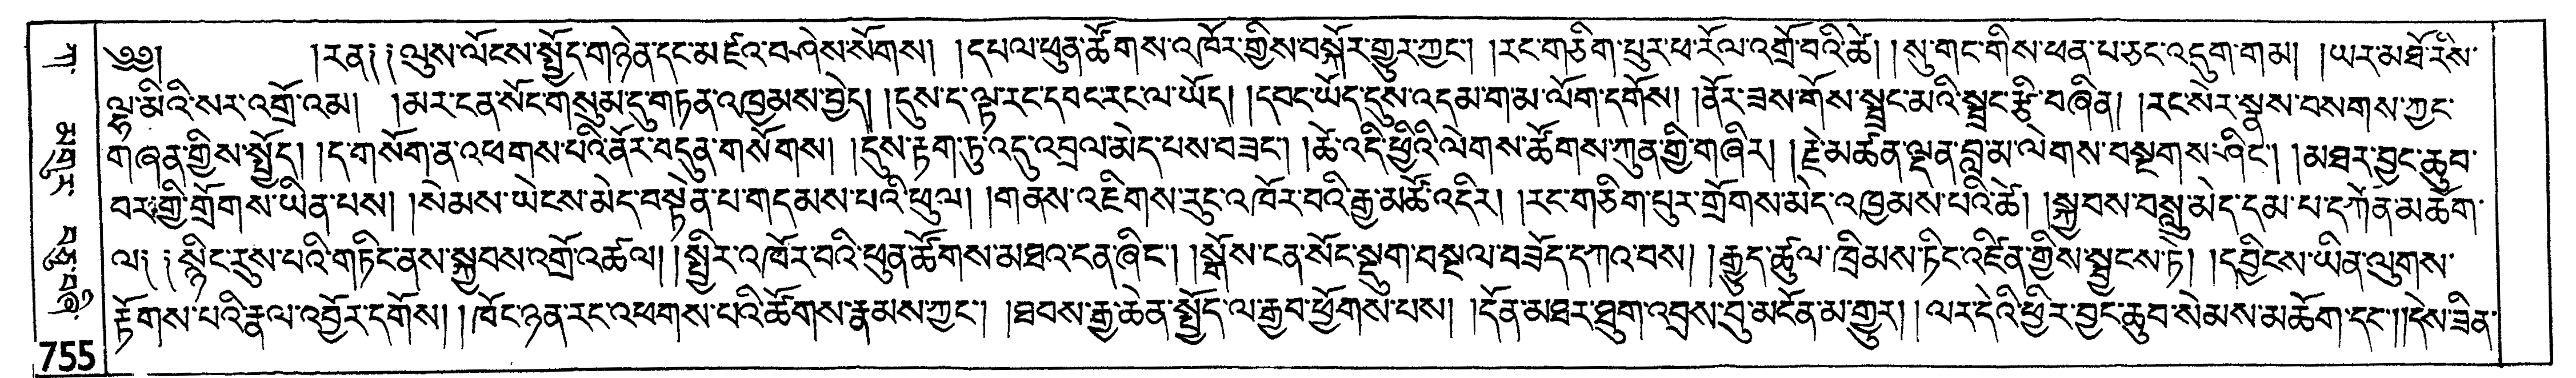༄༅། །རན། །ལུས་ལོངས་སྤྱོད་གཉེན་དང་མཛའ་བཤེས་སོགས། །དཔལ་ཕུན་ཚོགས་འཁོར་གྱིས་བསྐོར་གྱུར་ཀྱང་། །རང་གཅིག་པུར་ཕ་རོལ་འགྲོ་བའི་ཚེ། །སུ་གང་གིས་ཕན་པ་ཅང་འདུག་གམ། །ཡར་མཐོ་རིས་
ལྷ་མིའི་སར་འགྲོ་འམ། །མར་ངན་སོང་གསུམ་དུ་གཏན་འཁྱམས་བྱེད། །དུས་ད་ལྟ་རང་དབང་རང་ལ་ཡོད། །དབང་ཡོད་དུས་འདམ་ག་མ་ལོག་དགོས། །ནོར་ཟས་གོས་སྦྲང་མའི་སྦྲང་རྩི་བཞིན། །རང་སེར་སྣས་བསགས་ཀྱང་
གཞན་གྱིས་སྤྱོད། །ད་གསོག་ན་འཕགས་པའི་ནོར་བདུན་གསོགས། །དུས་རྟག་ཏུ་འདུ་འབྲལ་མེད་པས་བཟང་། །ཚེ་འདི་ཕྱིའི་ལེགས་ཚོགས་ཀུན་གྱི་གཞིར། །རྗེ་མཚན་ལྡན་བླ་མ་ལེགས་བསྔགས་ཤིང་། །མཐར་བྱང་ཆུབ་
བར་གྱི་གྲོགས་ཡིན་པས། །སེམས་ཡེངས་མེད་བསྟེན་པ་གདམས་པའི་ཕུལ། །གནས་འཇིགས་རུང་འཁོར་བའི་རྒྱ་མཚོ་འདིར། །རང་གཅིག་པུར་གྲོགས་མེད་འཁྱམས་པའི་ཚེ། །སྐྱབས་བསླུ་མེད་དམ་པ་དཀོན་མཆོག་
ལ། །སྙིང་རུས་པའི་གཏིང་ནས་སྐྱབས་འགྲོ་འཚལ། །སྤྱིར་འཁོར་བའི་ཕུན་ཚོགས་མཐའ་ངན་ཞིང་། །སྒོས་ངན་སོང་སྡུག་བསྔལ་བཟོད་དཀའ་བས། །རྒྱུད་ཚུལ་ཁྲིམས་ཏིང་འཛིན་གྱིས་སྦྱངས་ཏེ། །དབྱིངས་ཡིན་ལུགས་
རྟོགས་པའི་རྣལ་འབྱོར་དགོས། །ཁོང་ཉན་རང་འཕགས་པའི་ཚོགས་རྣམས་ཀྱང་། །ཐབས་རྒྱ་ཆེན་སྤྱོད་ལ་རྒྱབ་ཕྱོགས་པས། །དོན་མཐར་ཐུག་འབྲས་བུ་མངོན་མ་གྱུར། །ལར་དེའི་ཕྱིར་བྱང་ཆུབ་སེམས་མཆོག་དང་། །དེས་ཟིན་